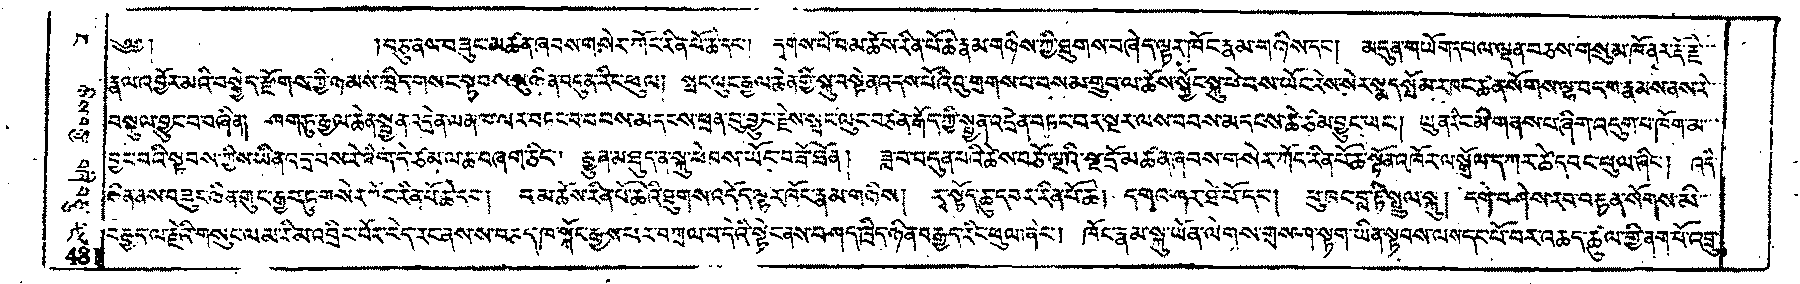༄༅། །བཅུ་ནས་བཟུང་མཚན་ཞབས་གསེར་ཀོང་རིན་པོ་ཆེ་དང་། དྭགས་པོ་བམ་ཆོས་རིན་པོ་ཆེ་རྣམ་གཉིས་ཀྱི་ཐུགས་བཞེད་ལྟར་ཁོང་རྣམ་གཉིས་དང་། མདུན་གཡོག་དཔལ་ལྡན་བཅས་གསུམ་ཁོ་ནར་རྡོ་རྗེ་
རྣལ་འབྱོར་མའི་བསྐྱེད་རྫོགས་ཀྱི་ཉམས་ཁྲིད་གསང་སྟབས་སུ་ཉིན་བདུན་རིང་ཕུལ། སྤང་ལུང་རྒྱལ་ཆེན་གྱི་སྐུ་བསྟེན་འདས་པོའི་བུ་གྲགས་པ་བསམ་གྲུབ་ལ་ཆོས་སྐྱོང་སྐུ་ཕེབས་ཡོང་རེས་སེར་སྨད་སྤོམ་ར་ཁང་ཚན་སོགས་ལྷ་བདག་རྣམས་ནས་རེ་
བསྐུལ་བྱུང་བ་བཞིན། ཤག་ཏུ་རྒྱལ་ཆེན་སྤྱན་འདྲེན་ལན་ཁ་ལར་བཏང་བ་བབས་མདངས་ཕྲན་བུ་བྱུང་རྗེས་སྤང་ལུང་བཙན་རྒོད་ཀྱི་སྤྱན་འདྲེན་བཏང་བར་སྔར་ལས་བབས་མདངས་ཆེ་ཙམ་བྱུང་ཡང་། ཡུན་རིང་མི་གནས་པ་ཞིག་འདུག་པ་ཁོག་མ་
བྱང་བའི་སྟབས་ཀྱིས་ཡིན་འདྲ་བས་རེ་ཞིག་དེ་ཙམ་ལ་ཆ་བཞག་ཅིང་། རྒྱུན་མཐུད་ན་སྐུ་ཕེབས་ཡོང་བཟོ་ཐོན། ཟླ་བ་བདུན་པའི་ཚེས་བཅོ་ལྔའི་སྔ་དྲོ་མཚན་ཞབས་གསེར་ཀོང་རིན་པོ་ཆེ་སྟོན་འཁོར་ལ་སྒྲོལ་དཀར་ཚེ་དབང་ཕུལ་ཞིང་། འདི་
ཉིན་ནས་བཟུང་ཉིན་གུང་རྒྱབ་ཏུ་གསེར་ཀོང་རིན་པོ་ཆེ་དང་། བམ་ཆོས་རིན་པོ་ཆེའི་ཐུགས་འདོད་ལྟར་ཁོང་རྣམ་གཉིས། རྭ་སྟོད་ཆུ་དབང་རིན་པོ་ཆེ། དགའ་ཤར་ཐེ་པོ་དང་། ཕུ་ཁང་བླ་རྟི་སྤྲུལ་སྐུ། དགེ་བཤེས་རབ་བརྟན་སོགས་མི་
བརྒྱད་ལ་རྗེའི་གསུང་ལམ་རིམ་འབྲིང་པོར་ངེད་རང་ནས་ས་བཅད་ཁ་སྐོང་རྒྱས་པར་བཀྲལ་བ་དེའི་སྟེང་ནས་བཤད་ཁྲིད་ཉིན་བརྒྱད་རིང་ཕུལ་ཞིང་། ཁོང་རྣམ་སྐུ་ཡོན་ལེགས་གྲས་ཤ་སྟག་ཡིན་སྟབས་ལས་དང་པོ་བར་འཆད་ཚུལ་གྱི་ནག་པོ་འབྲུ་